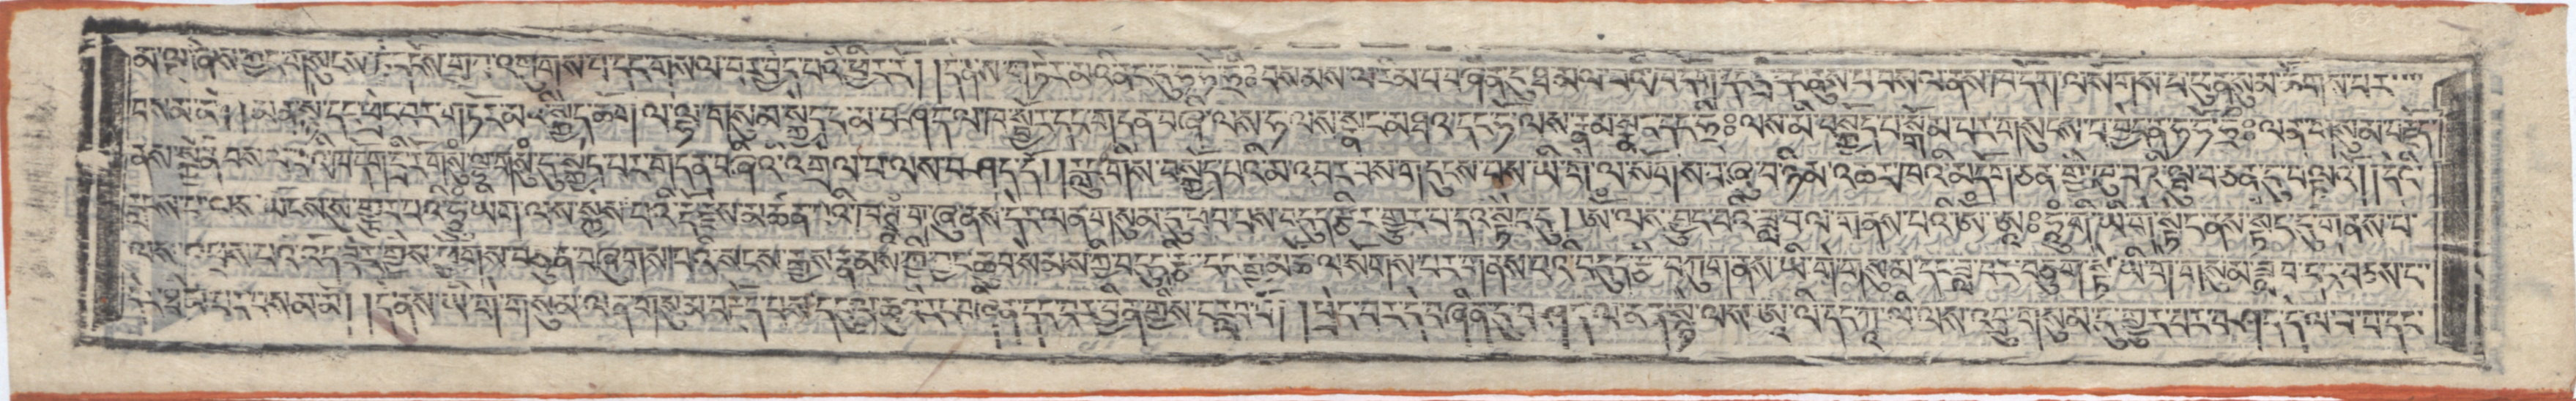མ་ལྔ་ཞེས་ཀྱང་གསུངས་ཏེ་དངོས་གྲུབ་འགུགས་པ་དང་གསལ་བར་བྱེད་པའི་ཕྱིར་རོ། །དེ་ནས་གཏོར་མའི་ནང་དུ་ཧ་ཧོ་ཧྲིཿ བསམས་ལ་རིམ་པ་བཞིན་དུ་ཐ་མལ་བའི་ཁ་དོག་དང་དྲི་དང་ནུས་པ་བསལ་ནས་ཁ་དོག་ལ་སོགས་པ་ཕུན་སུམ་ཚོགས་པར་
བསམ་མོ། །མན་སྙེ་དང་ཕྲེང་བར་གཏོར་མའི་སྐྱེད་ཆོག་ལ་ལྷ་གསུམ་སྐྱེད་པ་མ་བཤད་ལ་ཁ་སྦྱོར་དང་གདན་བཞི་ལས་ཧ་ལས་སྣང་མཐའ་དང་ཧོ་ལས་རྣམ་སྣང་དང་ཧྲིཿ ལས་མི་བསྐྱོད་པ་སྒོམ་པར་གསུངས་པ་བྱེད་ན་ཧ་ཧོ་ཧྲྀཿ ལན་གསུམ་བརྗོད་
ནས་སྐྱོན་བསལ་བའི་ཁ་དོག་དྲི་རོ་གསུཾ་ལྷ་གསུཾ་དུ་སྐྱེད་པར་གདན་བཞིའི་འགྲེལ་པ་ལས་བཤད་དོ། །རླུང་གིས་བསྐྱོད་པའི་མ་འབར་བས་གདུངས་པས་ཡི་གེ་ལ་སོགས་བ་ཞུ་བ་ཉི་མ་འཆར་ཁའི་མདོག་ཅན་གྱི་ཁུ་བའི་ལྦུ་བ་ཅན་དུ་བལྟའོ། །དེའི་
རླངས་པ་ལས་ཡོངས་སུ་གྱུར་པའི་ཧཱུཾ་ཡིག་ལས་སྐྱེས་པའི་རྡོ་རྗེས་མཚན་པའི་ཁ་ཊྲཱཾ་ག་ཞུ་ནས་དེར་ལན་གསུམ་དུ་ཕབ་པས་བདུད་རྩིར་གྱུར་པ་དེའི་སྟེང་དུ། ཨོཾ་ལས་བྱུང་བའི་ཟླ་བ་ལ་གནས་པའི་ཨོཾ་ཨཱཿ ཧཱུཾ་གི་ཡི་གེ་སྟེང་ནས་སྟེང་དུ་གནས་པ་
ལས་འཕྲོས་པའི་འོད་ཟེར་གྱིས་ཕྱོགས་བཅུ་ན་བཞུགས་པའི་སངས་རྒྱས་རྣམས་ཀྱི་བྱང་ཆུབ་སེམས་ཀྱི་བདུད་རྩི་དང་རྒྱ་མཚོ་ལ་སོགས་པར་གནས་པའི་བདུད་རྩི་བཀུག་ནས་ཡི་གེ་གསུམ་དང་ཟླ་བར་བཅུག་སྟེ་ཡི་གེ་གསུམ་ཟླ་བ་དང་བཅས་པ་
དེར་ཐིམ་པར་བསམ་མོ། །དེ་ནས་ཡི་གེ་གསུམ་ལན་གསུམ་བརྗོད་པས་དངུལ་ཆུའི་རང་བཞིན་དང་བར་བྱིན་གྱིས་བརླབ་བོ། །ཕྲེང་བར་དེ་བཞིན་དུ་བཤད་ལ་མན་སྙེ་ལས་ཨཱ་ལི་དང་ཀཱ་ལི་ལས་འབྲུ་གསུམ་དུ་གྱུར་པར་བཤད་དེ་ལ་བ་པ་དང་